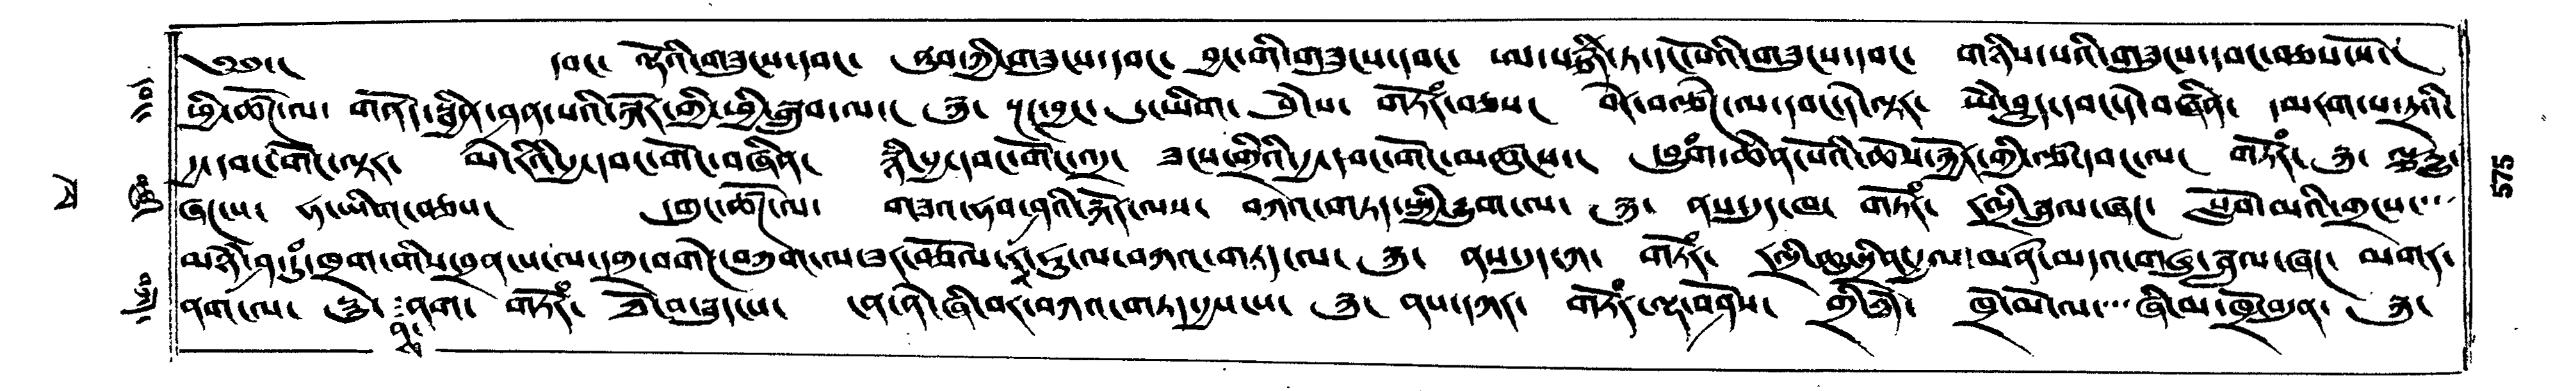དབང་། ལྷོའི་གཟུངས་དབང་། ནུབ་ཀྱི་གཟུངས་དབང་། བྱང་གི་གཟུངས་དབང་། ཨ་པར་ཙིཏྟ་དང་པོའི་གཟུངས་དབང་། གཉིས་པའི་གཟུངས་དབང་བཅས་སོ།། 
ཕྱི་ཚོགས་ལ། གནོད་སྦྱིན་ཤན་པའི་སྐོར་གྱི་ཕྱི་སྒྲུབ་ལ། སྐུ། སྔགས་བྱ། དུ་ཡིག བུམ་པ། གཏོར་མ་བཅས། བེར་བརྩེགས་ལ་དབང་དེ་ལྟར། ཡམ་ཤུད་དབང་དེ་བཞིན། དམར་ནག་པ་ཏྲའི་
རྒྱ་དབང་གོང་ལྟར། མེ་རིའི་རྒྱ་དབང་གོང་བཞིན། སྙིང་རྒྱ་དབང་གོང་འདྲ། ཟངས་གྲིའི་རྒྱ་དབང་གོང་མཚུངས། དབང་ཕྱུག་ཆེན་པོའི་ཆོས་སྐྱོང་གི་རྩ་དབང་ལ་གཏོར་མ། སྐུ། ལྕགས་ཀྱུ་
ཞགས་པ། ཧ་ཡིག་བཅས། དགུང་ཚོགས་ལ། གཟའ་ཧབ་ཤའི་སྐོར་ལས། བཀའ་གཏད་སྤྱི་རྒྱུག་ལ། སྐུ། ནས་དུད་ཁ། གཏོར་མ། རལ་གྲི་སྦྲུལ་ཞགས། སློབ་མའི་གྲངས་
མཉམ་ཤ་དུམ་ཁྲག་གིས་བྲན་པ་ལ་དགྲ་བགེགས་བཀུག་ལ་ཟར་བཅོལ་རཱ་ཧུ་ལ་བཀའ་གཏད་ལ། སྐུ། ནས་དུད་ཀ གཏོར་མ། རལ་གྲི་ཆུ་སྲིན་རྒྱལ་མཚན་མདའ་གཞུ་སྦྲུལ་ཞགས། མགར་
ནག་ལ། སྐུ། ནས་ནག། གཏོར་མ། ཐོ་བ་སྦུད་པ། ངན་ནེ་ཞི་བར་བཀའ་གཏད་རྒྱས་པ། སྐུ། ནས་དཀར། གཏོར་མ་ལྷ་བཤོས། གྲི་ཐོད། ཁྲོ་མོ་ལ་ཞི་མ་ཁྲོ་བདུན། སྐུ་